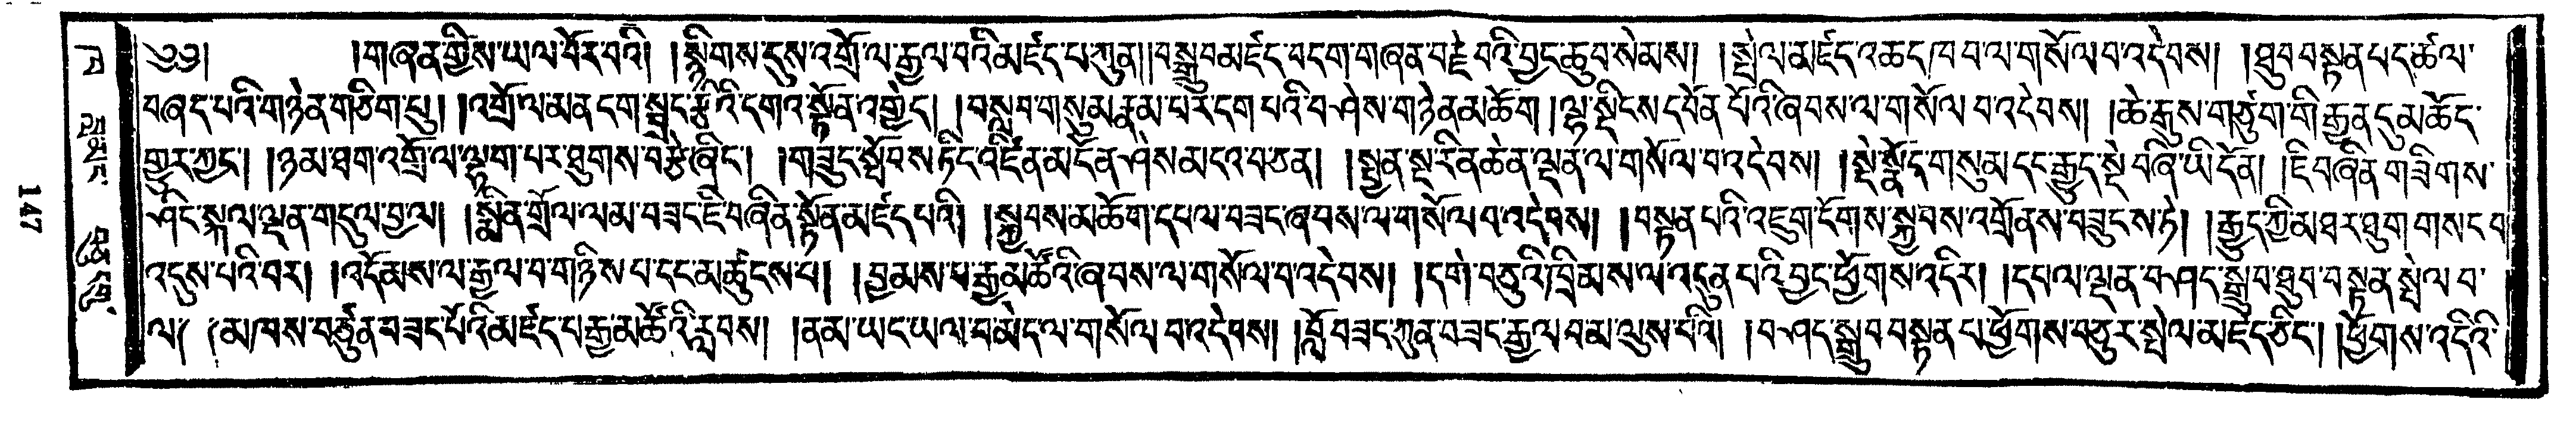༄༅། །གཞན་གྱིས་ཡལ་བོར་བའི། །སྙིགས་དུས་འགྲོ་ལ་རྒྱལ་བའི་མཛད་པ་ཀུན། །བསྒྲུབ་མཛད་བདག་གཞན་བརྗེ་བའི་བྱང་ཆུབ་སེམས། །སྤེལ་མཛད་འཆད་ཁ་བ་ལ་གསོལ་བ་འདེབས། །ཐུབ་བསྟན་པད་ཚལ་
བཞད་པའི་གཉེན་གཅིག་པུ། །འགྲོ་ལ་མན་དག་སྦྲང་རྩིའི་དགའ་སྟོན་འགྱེད། །བསླབ་གསུམ་རྣམ་པར་དག་པའི་བཤེས་གཉེན་མཆོག །ལྷ་སྡིངས་དབོན་པོའི་ཞབས་ལ་གསོལ་བ་འདེབས། །ཆེ་རྒུས་གཙུག་གི་རྒྱན་དུ་མཆོད་
གྱུར་ཀྱང་། །ཉམ་ཐག་འགྲོ་ལ་ལྷག་པར་ཐུགས་བརྩེ་ཞིང་། །གཟུང་སྤོབས་ཏིང་འཛིན་མངོན་ཤེས་མངའ་བ་ཅན། །སྤྱན་སྔ་རིན་ཆེན་ལྡན་ལ་གསོལ་བ་འདེབས། །སྡེ་སྣོད་གསུམ་དང་རྒྱུད་སྡེ་བཞི་ཡི་དོན། །ཇི་བཞིན་གཟིགས་
ཤིང་སྐལ་ལྡན་གདུལ་བྱ་ལ། །སྨིན་གྲོལ་ལམ་བཟང་ཇི་བཞིན་སྟོན་མཛད་པའི། །སྐྱབས་མཆོག་དཔལ་བཟང་ཞབས་ལ་གསོལ་བ་འདེབས། །བསྟན་པའི་འཇུག་ངོགས་སྐྱབས་འགྲོ་ནས་བཟུངས་ཏེ། །རྒྱུད་ཀྱི་མཐར་ཐུག་གསང་བ་
འདུས་པའི་བར། །འདོམས་ལ་རྒྱལ་བ་གཉིས་པ་དང་མཚུངས་པ། །བྱམས་པ་རྒྱ་མཚོའི་ཞབས་ལ་གསོལ་བ་འདེབས། །དགེ་བཅུའི་ཁྲིམས་ལ་འདུན་པའི་བྱང་ཕྱོགས་འདིར། །དཔལ་ལྡན་བཤད་སྒྲུབ་ཐུབ་བསྟན་སྤེལ་བ་
ལ༑ ༑མཁས་བཙུན་བཟང་པོའི་མཛད་པ་རྒྱ་མཚོའི་རླབས། །ནམ་ཡང་ཡལ་བ་མེད་ལ་གསོལ་བ་འདེབས། །བློ་བཟང་ཀུན་བཟང་རྒྱལ་བམ་ལུས་པའི། །བཤད་སྒྲུབ་བསྟན་པ་ཕྱོགས་བཅུར་སྤེལ་མཛད་ཅིང་། །ཕྱོགས་འདིའི་